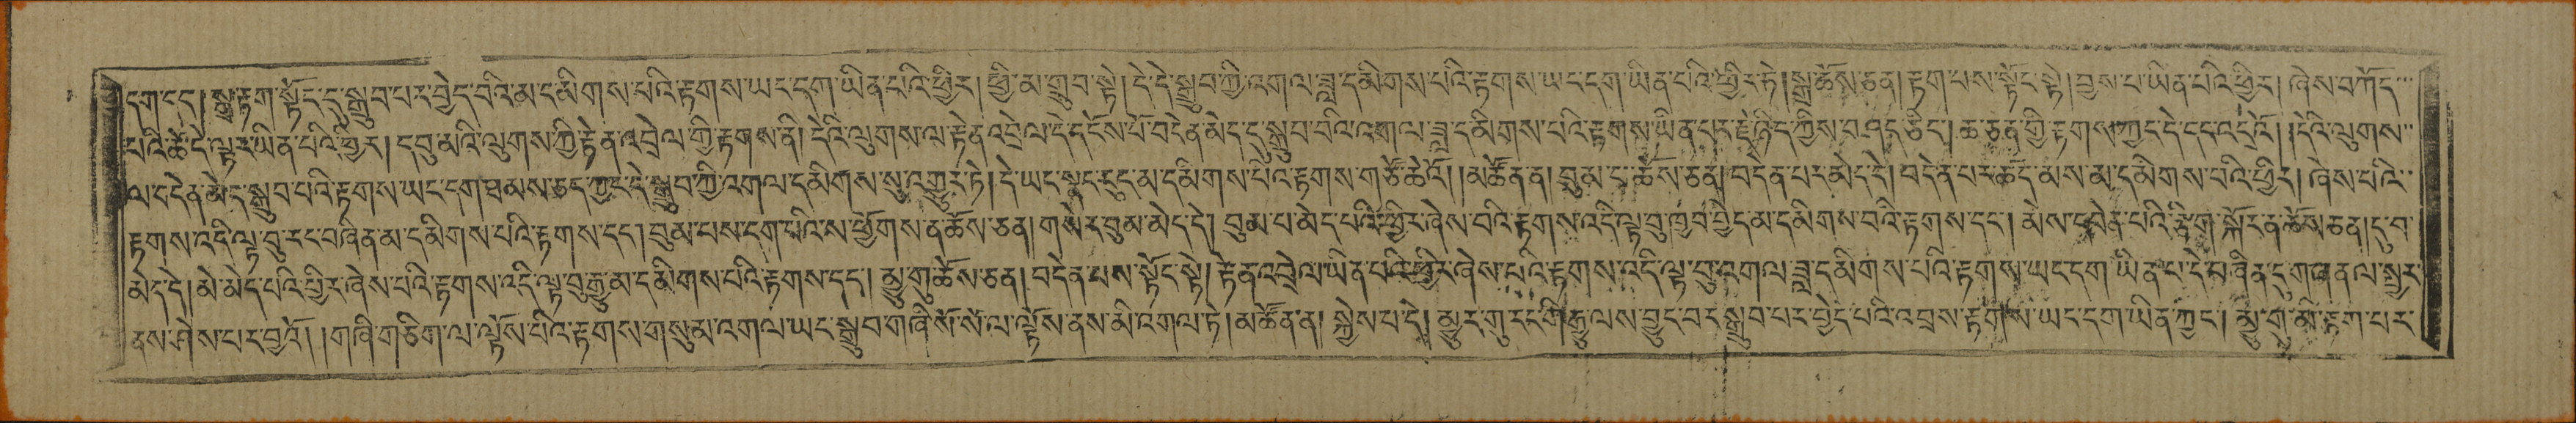དག་དང་། སྒྲ་རྟག་སྟོང་དུ་སྒྲུབ་པར་བྱེད་པའི་མ་དམིགས་པའི་རྟགས་ཡང་དག་ཡིན་པའི་ཕྱིར། ཕྱི་མ་གྲུབ་སྟེ། དེ་དེ་སྒྲུབ་ཀྱི་འགལ་ཟླ་དམིགས་པའི་རྟགས་ཡང་དག་ཡིན་པའི་ཕྱིར་ཏེ། སྒྲ་ཆོས་ཅན། རྟག་པས་སྟོང་སྟེ། བྱས་པ་ཡིན་པའི་ཕྱིར། ཞེས་བཀོད་
པའི་ཚེ་དེ་ལྟར་ཡིན་པའི་ཕྱིར། དབུ་མའི་ལུགས་ཀྱི་རྟེན་འབྲེལ་གྱི་རྟགས་ནི། དེའི་ལུགས་ལ་རྟེན་འབྲེལ་དེ་དངོས་པོ་བདེན་མེད་དུ་སྒྲུབ་པའི་འགལ་ཟླ་དམིགས་པའི་རྟགས་ཡིན་པར་རྗེ་ཉིད་ཀྱིས་བཤད་ཅིང་། ཆ་ཅན་གྱི་རྟགས་ཀྱང་དེ་དང་འདྲའོ། །དེའི་ལུགས་
ལ་བདེན་མེད་སྒྲུབ་པའི་རྟགས་ཡང་དག་ཐམས་ཅད་ཀྱང་དེ་སྒྲུབ་ཀྱི་འགལ་དམིགས་སུ་འགྱུར་ཏེ། དེ་ཡང་སྣང་རུང་མ་དམིགས་པའི་རྟགས་གཙོ་ཆེའོ། །མཚོན་ན། བུམ་པ་ཆོས་ཅན། བདེན་པར་མེད་དེ། བདེན་པར་ཚད་མས་མ་དམིགས་པའི་ཕྱིར། ཞེས་པའི་
རྟགས་འདི་ལྟ་བུ་རང་བཞིན་མ་དམིགས་པའི་རྟགས་དང་། བུམ་པས་དག་པའི་ས་ཕྱོགས་ན་ཆོས་ཅན། གསེར་བུམ་མེད་དེ། བུམ་པ་མེད་པའི་ཕྱིར་ཞེས་པའི་རྟགས་འདི་ལྟ་བུ་ཁྱབ་བྱེད་མ་དམིགས་པའི་རྟགས་དང་། མེས་དབེན་པའི་རྩིག་སྐོར་ན་ཆོས་ཅན། དུ་བ་
མེད་དེ། མེ་མེད་པའི་ཕྱིར་ཞེས་པའི་རྟགས་འདི་ལྟ་བུ་རྒྱུ་མ་དམིགས་པའི་རྟགས་དང་། མྱུ་གུ་ཆོས་ཅན། བདེན་པས་སྟོང་སྟེ། རྟེན་འབྲེལ་ཡིན་པའི་ཕྱིར་ཞེས་པའི་རྟགས་འདི་ལྟ་བུ་འགལ་ཟླ་དམིགས་པའི་རྟགས་ཡང་དག་ཡིན་པ་དེ་བཞིན་དུ་གཞན་ལ་སྦྱར་
ནས་ཤེས་པར་བྱའོ། །གཞི་གཅིག་ལ་ལྟོས་པའི་རྟགས་གསུམ་འགལ་ཡང་སྒྲུབ་གཞི་སོ་སོ་ལ་ལྟོས་ནས་མི་འགལ་ཏེ། མཚོན་ན། སྐྱེས་པ་དེ། མྱུར་གུ་རང་གི་རྒྱུ་ལས་བྱུང་བར་སྒྲུབ་པར་བྱེད་པའི་འབྲས་རྟགས་ཡང་དག་ཡིན་ཀྱང་། མྱུ་གུ་མི་རྟག་པར་